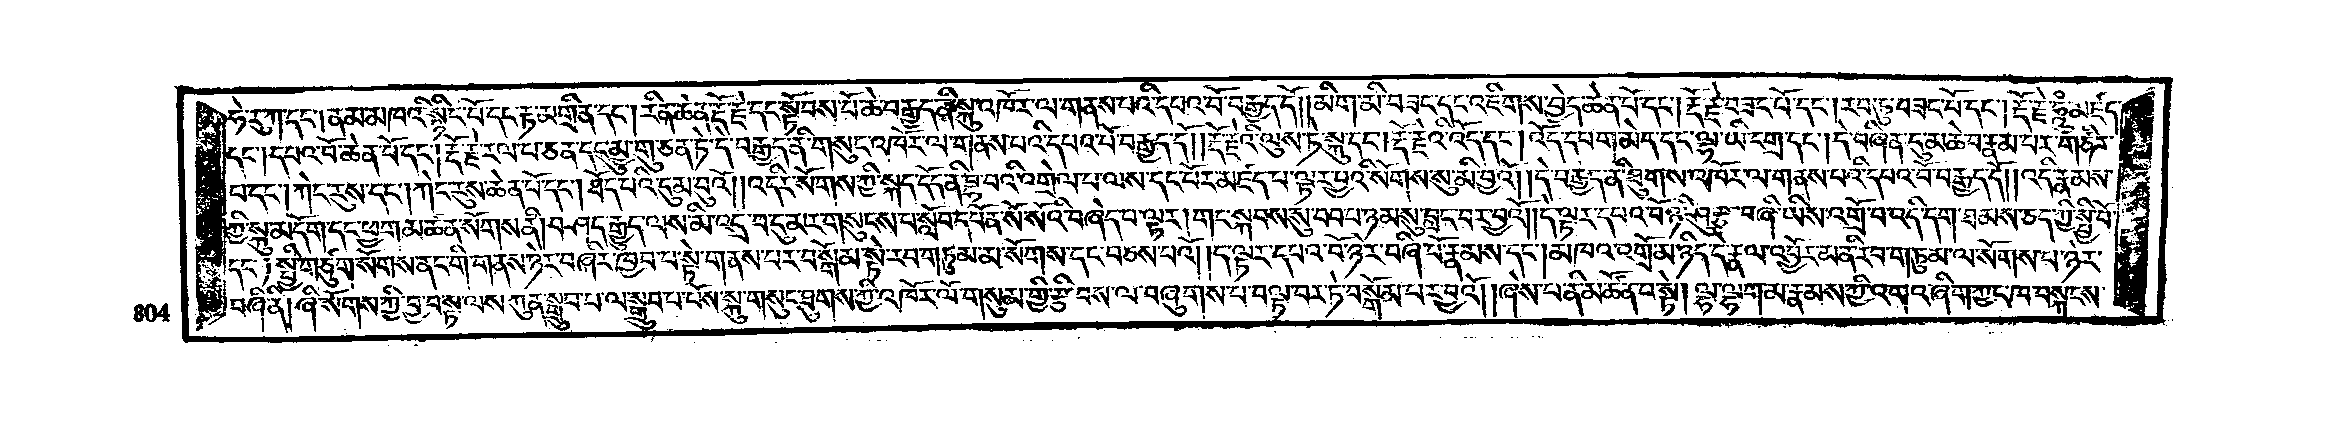ཧེ་རུ་ཀ་དང་། ནམ་མཁའི་སྙིང་པོ་དང་རྟ་མགྲིན་དང་། རིན་ཆེན་རྡོ་རྗེ་དང་སྟོབས་པོ་ཆེ་བརྒྱད་ནི་སྐུ་འཁོར་ལ་གནས་པའི་དཔའ་བོ་བརྒྱད་དོ། །མིག་མི་བཟང་དང་འཇིགས་བྱེད་ཆེན་པོ་དང་། རྡོ་རྗེ་བཟང་པོ་དང་། རབ་ཏུ་བཟང་པོ་དང་། རྡོ་རྗེ་ཧཱུཾ་མཛད་
དང་། དཔའ་བོ་ཆེན་པོ་དང་། རྡོ་རྗེ་རལ་པ་ཅན་དང་མྱུ་གུ་ཅན་ཏེ་དེ་བརྒྱད་ནི་གསུང་འཁོར་ལ་གནས་པའི་དཔའ་བོ་བརྒྱད་དོ། །རྡོ་རྗེའི་ལུས་ཏེ་སྐུ་དང་། རྡོ་རྗེའི་འོད་དང་། འོད་དཔག་མེད་དང་ལྷ་ཡི་དགྲ་དང་། དེ་བཞིན་དུ་མཆེ་བ་རྣམ་པར་གཙིགས་
པ་དང་། ཀེང་རུས་དང་། ཀེང་རུས་ཆེན་པོ་དང་། ཐོད་པའི་དུ་མ་བུའོ། །འདིར་སོགས་ཀྱི་སྐད་དོད་ནི་བྷ་བའི་འགྲེལ་པ་ལས་དང་པོར་མཛད་པ་ལྟར་བྱའི་སོགས་སུ་མི་བྱའོ། །དེ་བརྒྱད་ནི་ཐུགས་འཁོར་ལ་གནས་པའི་དཔའ་བོ་བརྒྱད་དོ། །འདི་རྣམས་
ཀྱི་སྐུ་མདོག་དང་ཕྱག་མཚན་སོགས་ནི། བཤད་རྒྱུད་ལས་མི་འདྲ་བ་དུ་མར་གསུངས་པ་སློབ་དཔོན་སོ་སོའི་བཞེད་པ་ལྟར། གང་སྐབས་སུ་བབ་པ་ཉམས་སུ་བླང་བར་བྱའོ། །དེ་ལྟར་དཔའ་བོ་ཉི་ཤུ་རྩ་བཞི་ཡིས་འགྲོ་བ་འདི་དག་ཐམས་ཅད་ཀྱི་སྤྱི་བོ་
དང་། སྤྱི་གཙུག་སོགས་ནང་གི་གནས་ཉེར་བཞིར་ཁྱབ་པ་སྟེ་གནས་པར་བསྒོམ་སྟེ་རབ་གཏུམ་མ་སོགས་དང་བཅས་པའོ། །ད་ལྟར་དཔའ་བོ་ཉེར་བཞི་པོ་རྣམས་དང་། མཁའ་འགྲོ་མ་ཉིད་དེ་རྣལ་འབྱོར་མ་ནི་རབ་གཏུམ་ལ་སོགས་པ་ཉེར་
བཞི་ནི། ཞི་སོགས་ཀྱི་བྱ་བ་སྟ་ལས་ཀུན་སྒྲུབ་པ་ལ་སྒྲུབ་པ་པོས་སྐུ་གསུང་ཐུགས་ཀྱི་འཁོར་ལོ་གསུམ་གྱི་རྩིབས་ལ་བཞུགས་པ་བལྟ་བར་ཏེ་བསྒོམ་པར་བྱའོ། །ཞེས་པ་ནི་མཚོན་པ་སྟེ། ལྷ་ལྷག་མ་རྣམས་ཀྱི་འགའ་ཞིག་ཀྱང་ཁ་བསྐངས་